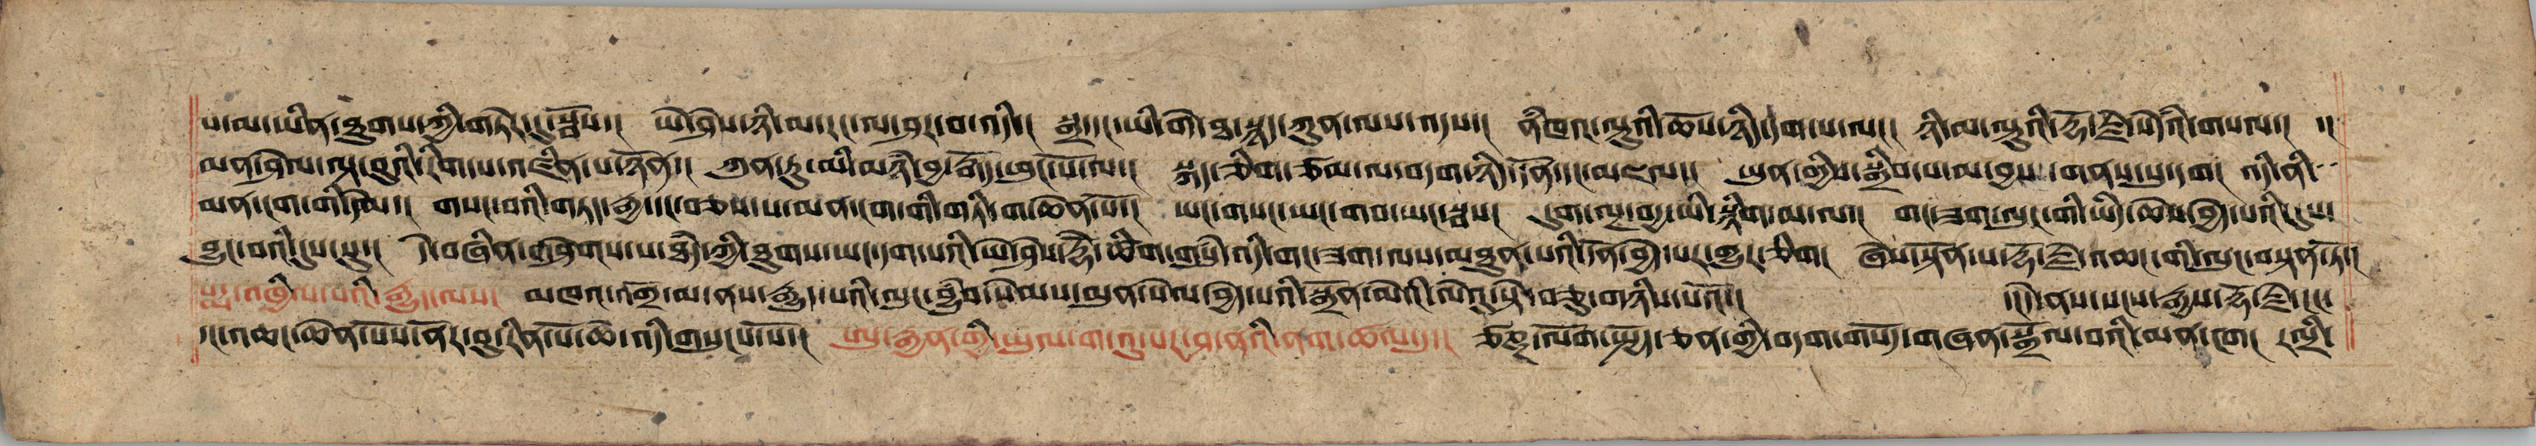པ་མ་ཡིན་ཐུགས་ཀྱི་གཏེར་དུ་སྦོས་། ཡེ་ཤེས་ཉི་མ་རང་ལ་ཤར་བ་འདི་། སྒྲ་དང་ཡི་གེ་ཐ་སྙད་ཀུན་ལས་འདས་། ནཾཁའ་ལྟུ་འི་ཆོས་ཉིད་དག་པ་ལ།།། ཉི་མ་ལྟུའི་རྡོ་རྗེ་སེདཾའི་གསལ་། ་།
མན་ཤེལ་ལྟ་བུའི་རིག་པ་འཛིན་པ་ཉོན་། ཀུན་ཏུ་མི་མཉཾ་བྱ་རྒོད་ཕུང་པོ་ལ་། སྐད་ཅིག་ཙམ་ལ་བདག་ཉིད་དོན་དང་མཇལ་། ཡུན་གྱིས་སྒྲིབ་པ་མ་བྱས་གནས་སུ་དག། འདི་ནི་
མན་ངག་གི་དེམ་། གསང་བའི་གཏད་རྒྱ་དང་བཅས་པ་མན་ངག་གི་གཏི་ག་ཆེན་པོ་། ཡང་གསང་ཡང་གབ་ཡང་སྦས། དུག་ལྔ་བདྱ་མི་སྙིག་མ་ལ་། གང་ཟག་ལུང་གི་ཡིད་ཆེས་བྱེད་པའི་དུས་
བྱུང་བའི་དུས་སུ་། དེ་བཞིན་གཤེགས་པ་ཐཾད་ཀྱི་ཐུགས་ཡང་དག་པའི་ཡེ་ཤེས་རྡོེ་ཚིག་གསུཾ་འདི་གང་ཟག་ལས་མཐུན་པའི་དོན་བྱེད་པར་གྱུར་ཅིག། ཞེས་སྟོན་པ་རྡོ་རྗེ་འཆང་གི་ལུང་བསྟན་ཏོ་།
པདྨ་འཁྱིལ་བའི་རྒྱུད་ལས། མཁའ་འགྲོ་མ་ནས་རྒྱུད་པའི་ལུང་བྱུཾབ་སེམས་མུན་སེལ་བྱེད་པའི་སྒྲོནམེའི་ལེའུ་སྟེ་བཅུ་གཉིས་པའོ་། ་།དེ་ནས་སངས་རྒྱས་རྡོ་རྗེ་ངང་
དང་འཆང་ཆེན་པོས་ནོར་བུ་རིན་པོ་ཆེ་འདི་གསུངས་སོ་། ཨུ་རྒྱན་གྱི་ཡུལ་ག་འུ་པར་ཤ་ནའི་ནག་ཚལ་དུ་། ཙཎྜ་ལོག་སྤྱོད་ཅན་གྱི་བདག་གསོད་གཞན་སྒྲོལ་བའི་མན་ངག། རལྲི་